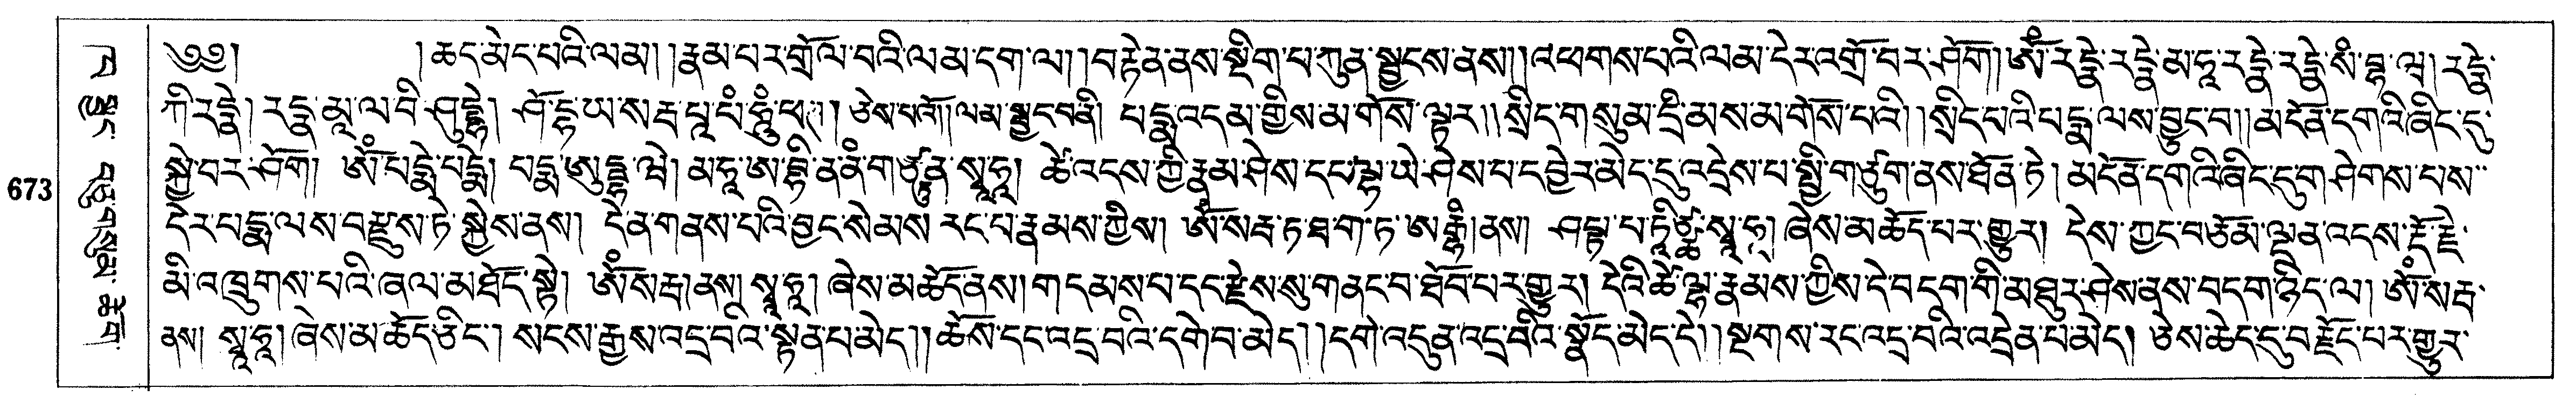༄༅། །ཆད་མེད་པའི་ལམ། །རྣམ་པར་གྲོལ་བའི་ལམ་དག་ལ། །བརྟེན་ནས་སྡིག་པ་ཀུན་སྦྱངས་ནས། །འཕགས་པའི་ལམ་དེར་འགྲོ་བར་ཤོག །ཨོཾ་རདྣེ་རདྣེ་མ་ཧཱ་རདྣེ་རདྣེ་སཾ་བྷ་ཝ། རདྣེ་ཀི་རདྣེ། རདྣ་མཱ་ལ་བི་ཤུ་དྡྷེ། ཤོ་དྷ་ཡ་སརྦ་པཱ་པཾ་ཧཱུཾ་ཕཊ། ཅེས་པའོ། །ལམ་སྦྱང་བ་ནི།  པདམ་འདམ་གྱིས་མ་གོས་ལྟར། །སྲིད་གསུམ་དྲི་མས་མ་གོས་པའི། །སྲིད་པའི་པདམ་ལས་བྱུང་བ། །མངོན་དགའི་ཞིང་དུ་
སྐྱེ་བར་ཤོག །ཨོཾ་པདམེ་པདམེ། པདམ་ཨུདབྷ་ཝེ། མ་ཧཱ་ཨ་བྷི་ན་ནཾ་གཙན་ཏུ་སྭཱ་ཧཱ། ཚེ་འདས་ཀྱི་རྣམ་ཤེས་དང་ལྷ་ཡེ་ཤེས་པ་དབྱེར་མེད་དུ་འདྲེས་པ་སྤྱི་གཙུག་ནས་ཐོན་ཏེ། མངོན་དགའི་ཞིང་དུ་གཤེགས་པས་
དེར་པདམ་ལས་བརྫུས་ཏེ་སྐྱེས་ནས། དེ་ན་གནས་པའི་བྱང་སེམས་རང་པ་རྣམས་ཀྱིས། ཨོཾ་སརྦ་ཏ་ཐ་ག་ཏ་ཨརྒྷཾ། ནས། ཤཔྟ་པ་ཏཱི་ཙྪ་སྭཱ་ཧཱ། ཞེས་མཆོད་པར་གྱུར། དེས་ཀྱང་བཅོམ་ལྡན་འདས་རྡོ་རྗེ་
མི་འཁྲུགས་པའི་ཞལ་མཐོང་སྟེ། ཨོཾ་སརྦ། ནས། སྭཱ་ཧཱ། ཞེས་མཆོད་ནས། གདམས་པ་དང་རྗེས་སུ་གནང་བ་ཐོབ་པར་གྱུར། དེའི་ཚེ་ལྷ་རྣམས་ཀྱིས་དེ་བདག་གི་མཐུར་ཤེས་ནས་བདག་ཉིད་ལ། ཨོཾ་སརྦ་
ནས། སྭཱ་ཧཱ། ཞེས་མཆོད་ཅིང་། སངས་རྒྱས་འདྲ་བའི་སྟན་པ་མེད། །ཆོས་དང་འདྲ་བའི་དགེ་བ་མེད། །དགེ་འདུན་འདྲ་བའི་སྣོད་མེད་དེ། །སྔགས་རང་འདྲ་བའི་འདྲེན་པ་མེད། ཅེས་ཆེད་དུ་བརྗོད་པར་གྱུར་